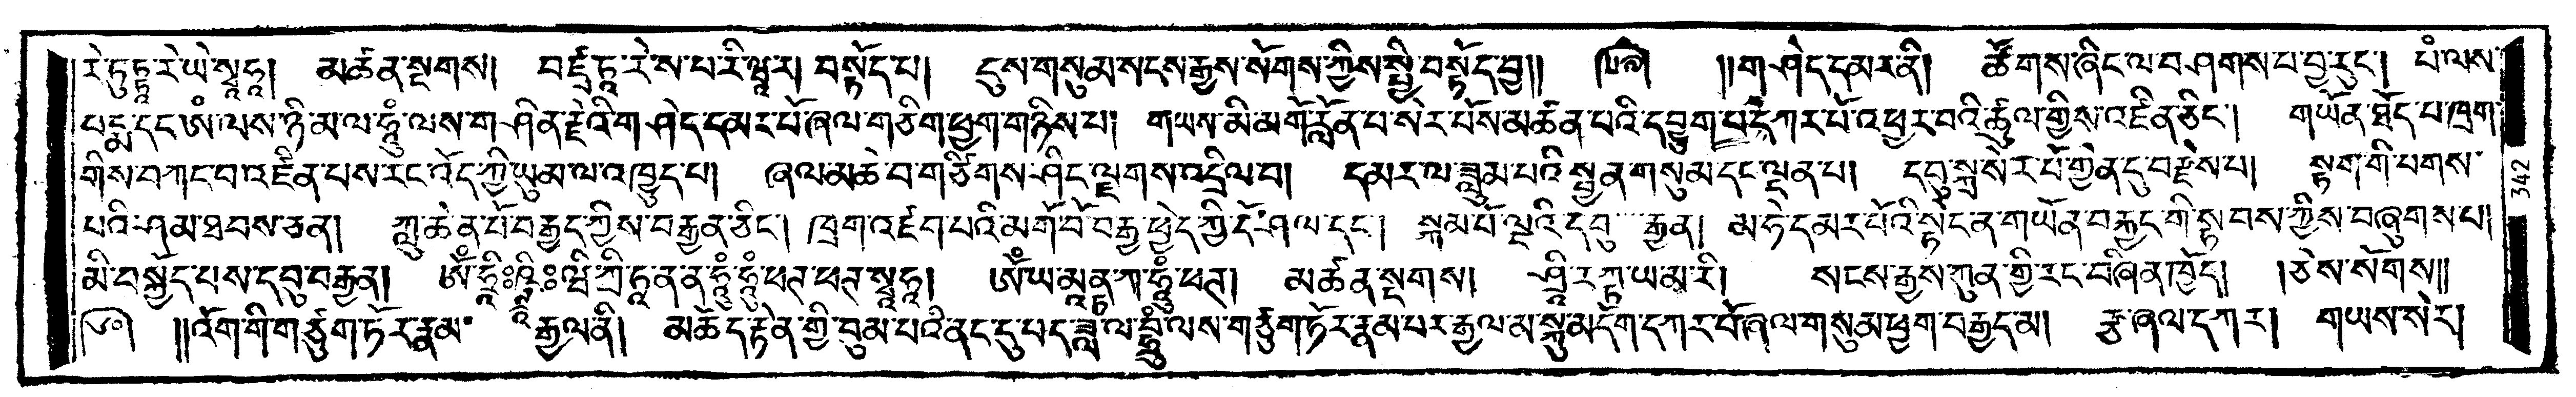རེ་ཏུཏྟཱ་རེ་ཡེ་སྭཱཧཱ། མཚན་སྔགས། བཛྲ་ཏཱ་རེ་ས་པ་རི་ཝཱ་ར། བསྟོད་པ། དུས་གསུམ་སངས་རྒྱས་སོགས་ཀྱིས་སྤྱི་བསྟོད་བྱ།། ༥༧?་།།གཤེད་དམར་ནི། ཚོགས་ཞིང་ལ་བཤགས་པ་བྱ་རུང་། པཾ་ལས་
པདམ་དང་ཨཾ་ལས་ཉི་མ་ལ་ཧཱུཾ་ལས་གཤིན་རྗེའི་གཤེད་དམར་པོ་ཞལ་གཅིག་ཕྱག་གཉིས་པ། གཡས་མི་མགོ་རློན་པ་སེར་པོས་མཚན་པའི་དབྱུག་པ་དཀར་པོ་འཕྱར་བའི་ཚུལ་གྱིས་འཛིན་ཅིང་། གཡོན་ཐོད་པ་ཁྲག་
གིས་བཀང་བ་འཛིན་པས་རང་འོད་ཀྱི་ཡུམ་ལ་འཁྱུད་པ། ཞལ་མཆེ་བ་གཙིགས་ཤིང་ལྗགས་འདྲིལ་བ། དམར་ལ་ཟླུམ་པའི་སྤྱན་གསུམ་དང་ལྡན་པ། དབུ་སྐྲ་སེར་པོ་གྱེན་དུ་བརྫེས་པ། སྟག་གི་པགས་
པའི་ཤམ་ཐབས་ཅན། ཀླུ་ཆེན་པོ་བརྒྱད་ཀྱིས་བརྒྱན་ཅིང་། ཁྲག་འཛག་པའི་མགོ་བོ་བརྒྱ་ཕྱེད་ཀྱི་དོ་ཤལ་དང་། སྐམ་པོ་ལྔའི་དབུ་རྒྱན། མ་ཧེ་དམར་པོའི་སྟེང་ན་གཡོན་བརྐྱང་གི་སྟབས་ཀྱིས་བཞུགས་པ།
མི་བསྐྱོད་པས་དབུ་བརྒྱན། ཨོཾ་ཧྲཱིཿཥྚྲཱིཿཝི་ཀྲི་ཏཱ་ན་ན་ཧཱུཾ་ཧཱུཾ་ཕཊ་ཕཊ་སྭཱཧཱ། ཨོཾ་ཡ་མཱནྟ་ཀ་ཧཱུཾ་ཕཊ། མཚན་སྔགས། ཤྲཱི་རཀྟ་ཡ་མ་རི། སངས་རྒྱས་ཀུན་གྱི་རང་བཞིན་ཁྱོད། །ཅེས་སོགས།།
༦༠?་།།འོག་གི་གཙུག་ཏོར་རྣམ་རྒྱལ་ནི། མཆོད་རྟེན་གྱི་བུམ་པའི་ནང་དུ་པད་ཟླ་ལ་བྷྲུཾ་ལས་གཙུག་ཏོར་རྣམ་པར་རྒྱལ་མ་སྐུ་མདོག་དཀར་པོ་ཞལ་གསུམ་ཕྱག་བརྒྱད་མ། རྩ་ཞལ་དཀར། གཡས་སེར།